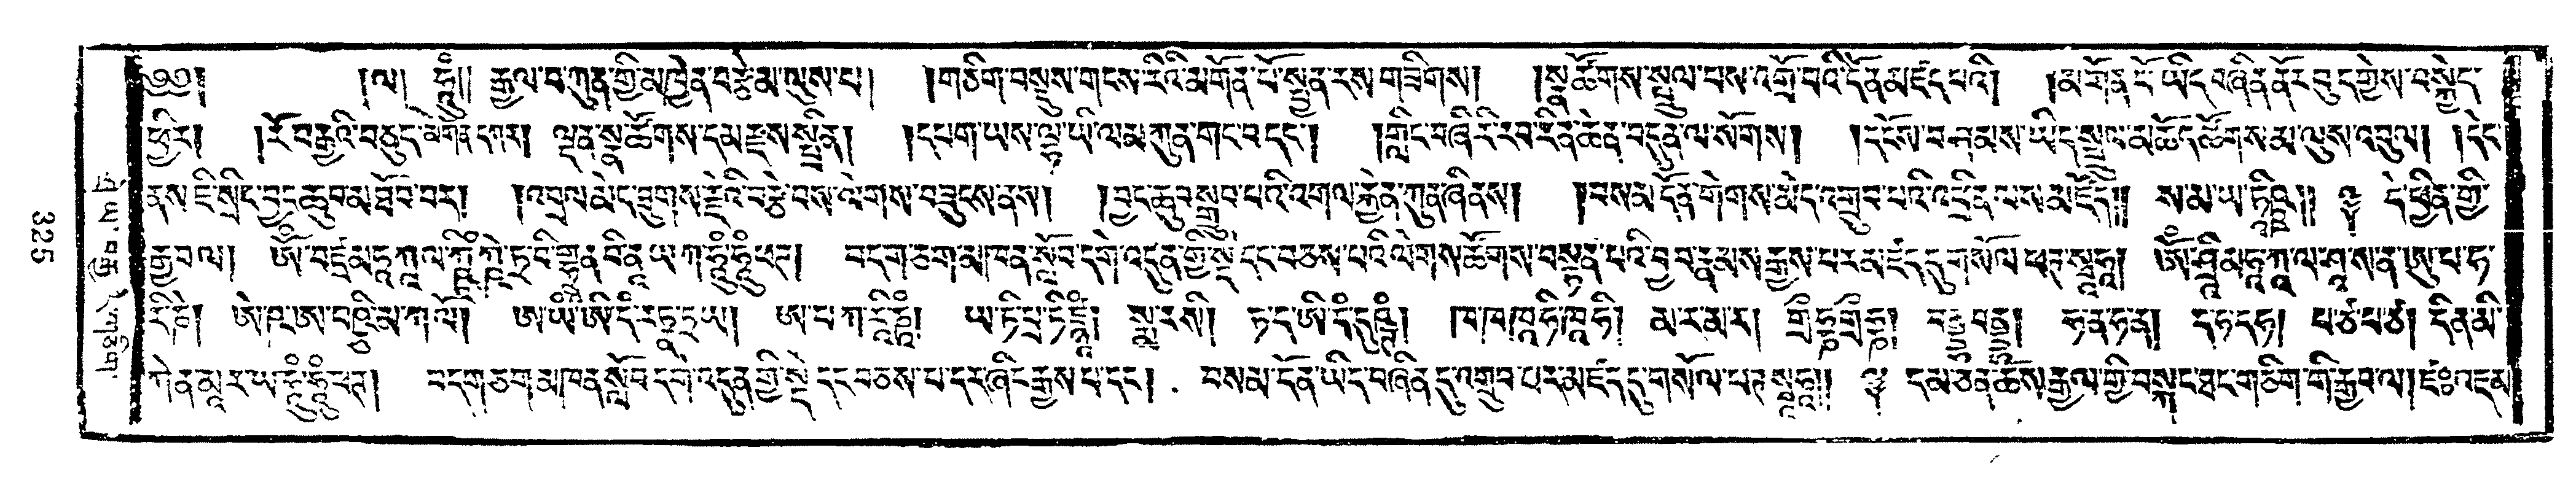༄༅། །ལ། ཧཱུཾ།། རྒྱལ་བ་ཀུན་གྱི་མཁྱེན་བརྩེ་མ་ལུས་པ། །གཅིག་བསྡུས་གངས་རིའི་མགོན་པོ་སྤྱན་རས་གཟིགས། །སྣ་ཚོགས་སྤྲུལ་པས་འགྲོ་བའི་དོན་མཛད་པའི། །མགོན་པོ་ཡིད་བཞིན་ནོར་བུ་དགྱེས་བསྐྱེད་
ཕྱིར། །རོ་བརྒྱའི་བཅུད་མགོན་དཀར། ལྡན་སྣ་ཚོགས་དམ་རྫས་སྤྲིན། །དཔག་ཡས་ལྷ་ཡི་ལམ་ཀུན་གང་བ་དང་། །གླིང་བཞི་རི་རབ་རིན་ཆེན་བདུན་ལ་སོགས། །དངོས་བཤམས་ཡིད་སྤྲུལ་མཆོད་ཚོགས་མ་ལུས་འབུལ། །དེང་
ནས་ཇི་སྲིད་བྱང་ཆུབ་མ་ཐོབ་བར། །འབྲལ་མེད་ཐུགས་རྗེའི་བརྩེ་བས་ལེགས་བཟུངས་ནས། །བྱང་ཆུབ་སྒྲུབ་པའི་འགལ་རྐྱེན་ཀུན་ཞི་ནས། །བསམ་དོན་གེགས་མེད་འགྲུབ་པའི་འཕྲིན་ལས་མཛོད། ས་མ་ཡ་ཏཱིཥཊཿཨ།། ༈ དེ་ཕྱིན་གྱི་
རྒྱབ་ལ། ཨོཾ་བཛྲ་མཧཱ་ཀཱ་ལ་ཀྵཱིཾ་ཀྵེ་ཏྲ་བི་གྷཱ་ན་བི་ནཱ་ཡ་ཀ་ཧཱུཾ་ཧཱུཾ་ཕཊ། བདག་ཅག་མཁན་སློབ་དགེ་འདུན་གྱི་སྡེ་དང་བཅས་པའི་ལེགས་ཚོགས་བསྟན་པའི་བྱ་བ་རྣམས་རྒྱས་པར་མཛད་དུ་གསོལ་ཕཊ་སྭཱཧཱ། ཨོཾ་ཤྲཱི་མཧཱ་ཀཱ་ལ་ཤཱ་ས་ན་ཨུ་པ་ཧ་
རི་ཎེ། ཨེ་ཥ་ཨ་བྵིཙ་མ་ཀ་ལོ། ཨ་ཡཾ་ཨི་དཾ་རཏྣ་ཏྲ་ཡ། ཨ་པ་ཀ་རཱི་ཎཱཾ། ཡ་ཏི་པྲ་ཏི་ཛྙཱཾ། སྨ་ར་སི། ཏ་ད་ཨི་དཾ་དུཥྚཾ། ཁ་ཁ་ཁཱ་ཧི་ཁཱ་ཧི། མ་ར་མ་ར། གྲྀ་ཧྞ་གྲྀ་ཧྞ། བནྡཧ་བནྡྷ། ཧ་ན་ཧ་ན། ད་ཧ་ད་ཧ། པ་ཙ་པ་ཙ། དི་ན་མི་
ཀེ་ན་མཱ་ར་ཡ་ཧཱུཾ་ཧཱུཾ་ཕཊ། བདག་ཅག་མཁན་སློབ་དགེ་འདུན་གྱི་སྡེ་དང་བཅས་པ་དར་ཞིང་རྒྱས་པ་དང་། བསམ་དོན་ཡིད་བཞིན་དུ་འགྲུབ་པར་མཛད་དུ་གསོལ་ཕཊ་སྭཱ་ཧཱ།། ༈ དམ་ཅན་ཆོས་རྒྱལ་གྱི་བསྐང་ཐང་གཅིག་གི་རྒྱབ་ལ། ཛཿ འཇམ་